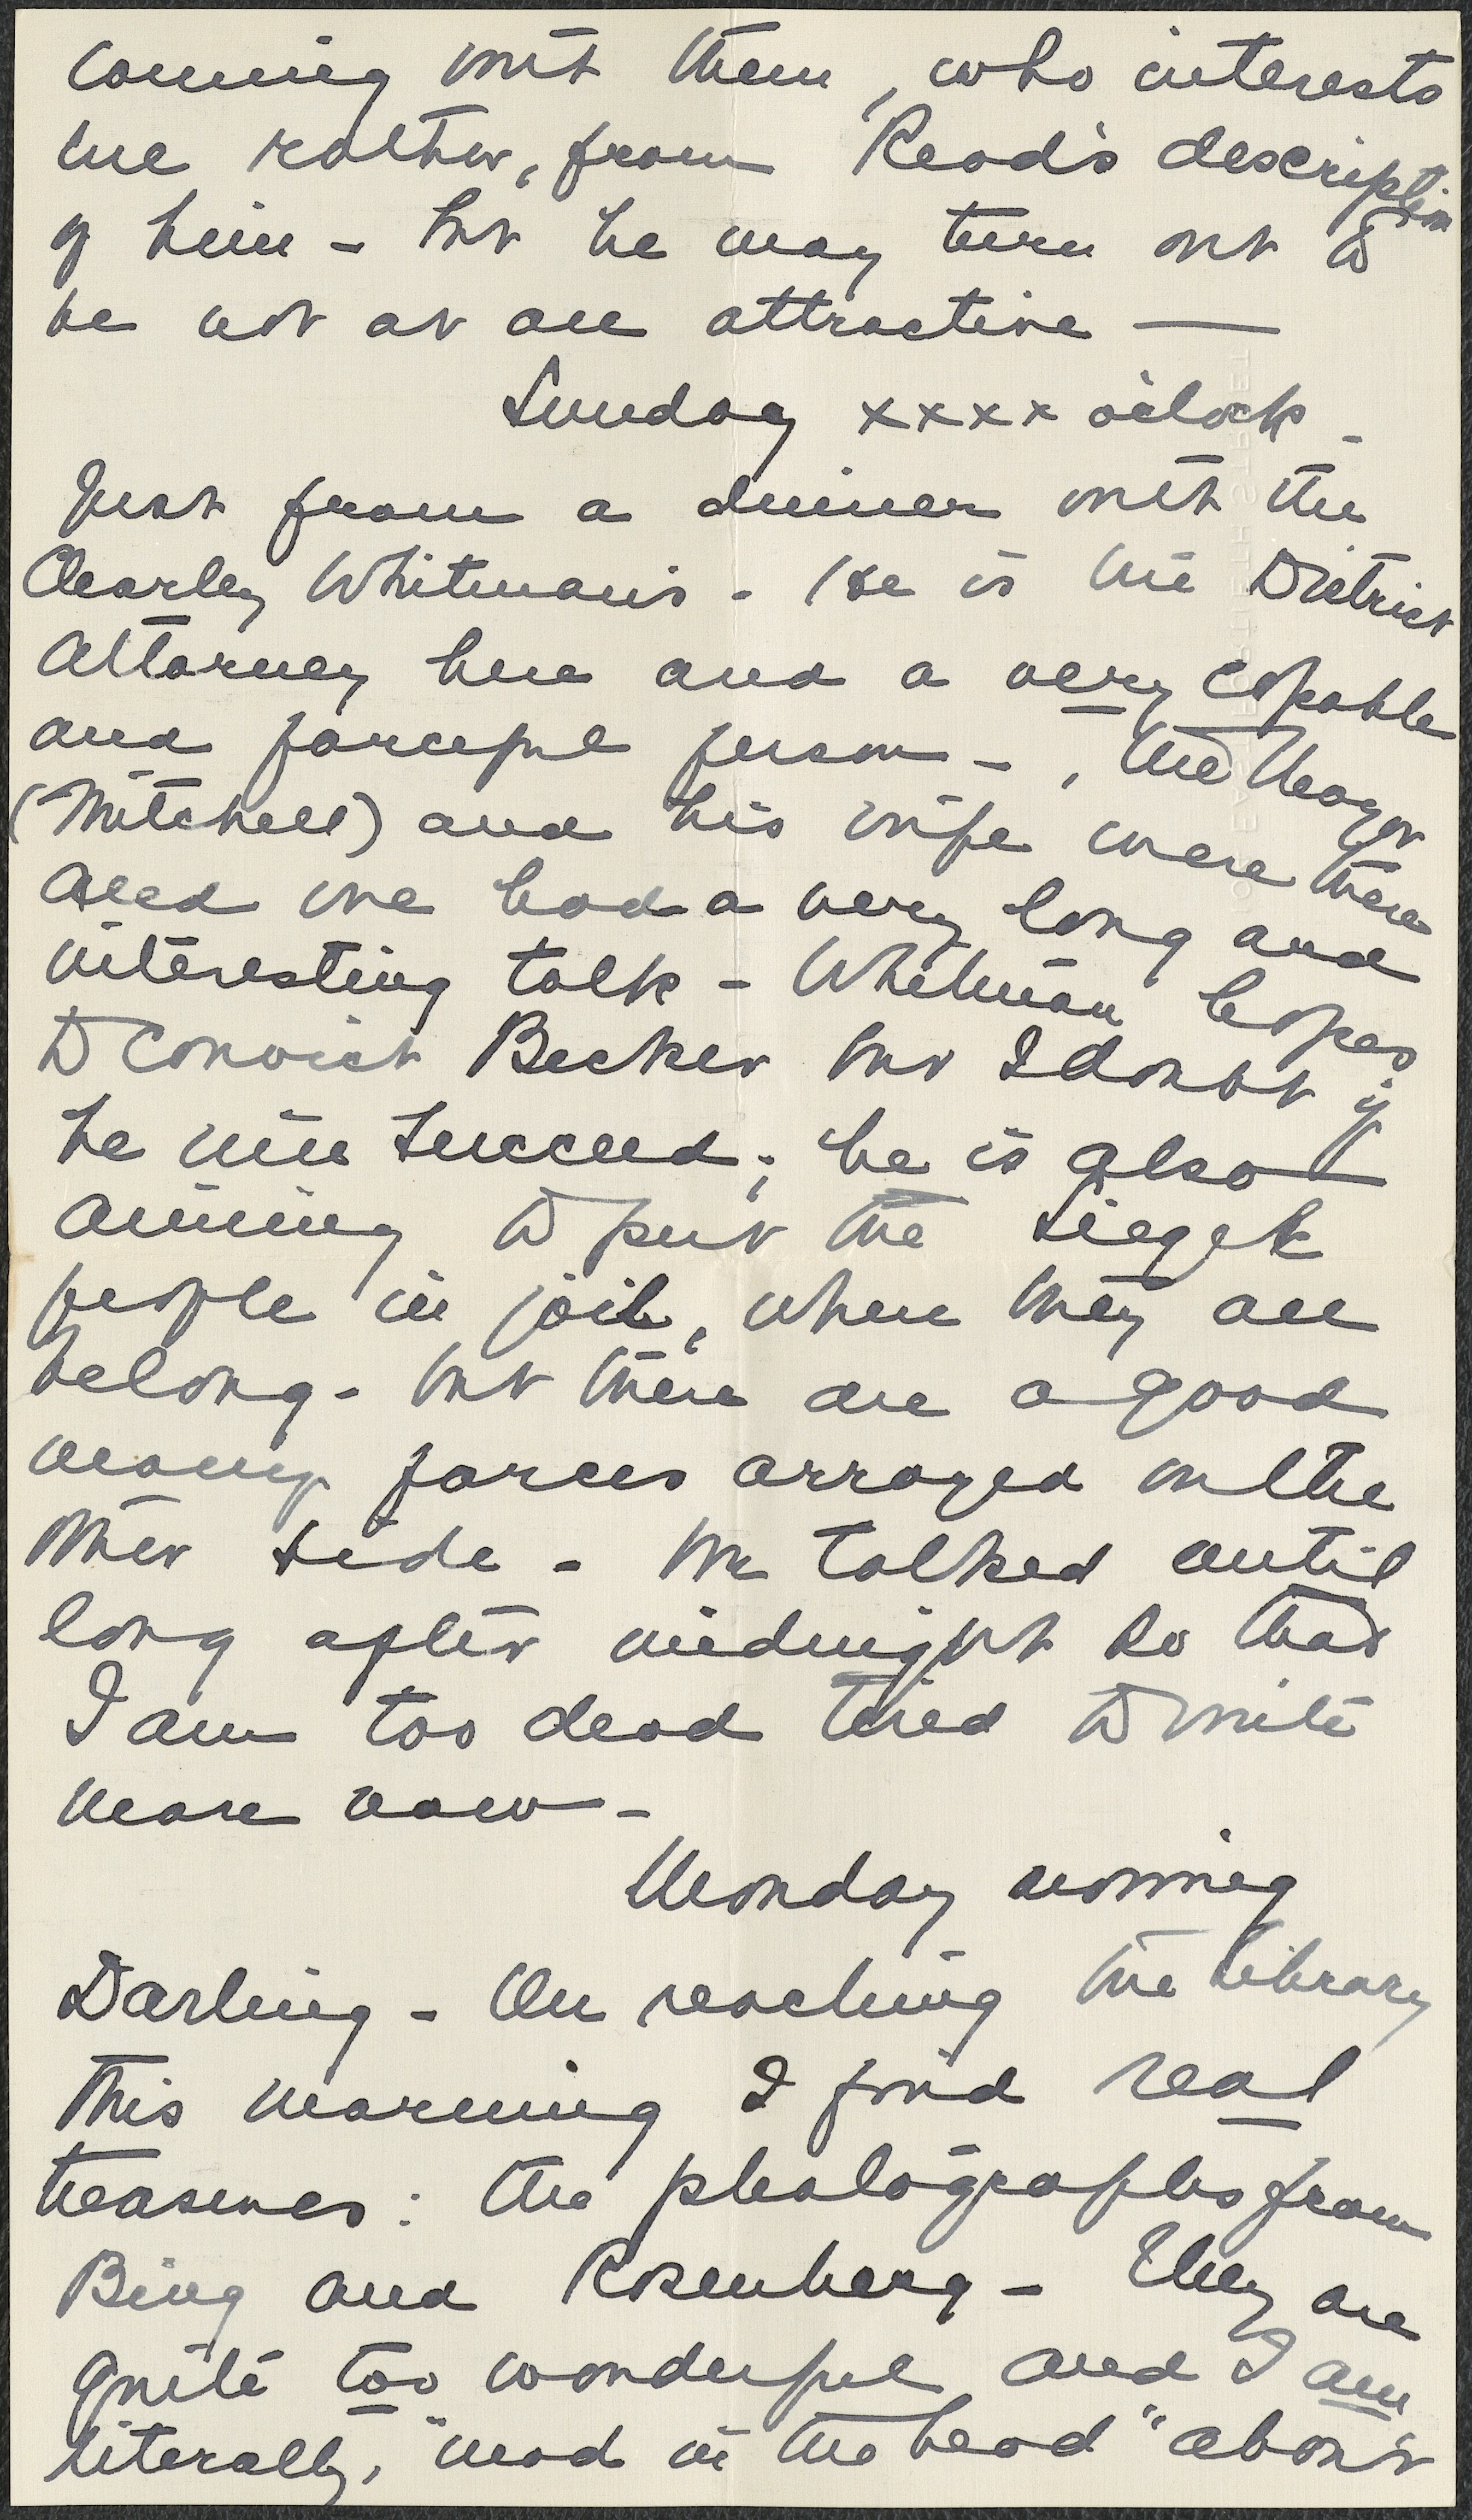coming with them, who interests me rather, from Read's description of him – but he may turn out to be not at all attractive –
Sunday xxxx o’clock –
Just from a dinner with the Charley Whitman's – He is the District Attorney here and a very capable and forceful person – the Mayor (Mitchell) and his wife were there and we had a very long and interesting talk – Whitman hopes to convict Becker but I doubt if he will succeed; he is also aiming to put the Siegel people in jail, where they all belong – but there are a good many forces arrayed on the other side – We talked until long after midnight so that I am too dead tired to write more now –
Monday morning
Darling – On reaching the Library this morning I find real treasures: the photographs from Bing and Rosenberg – They are quite too wonderful and I am literally, "mad in the head" about